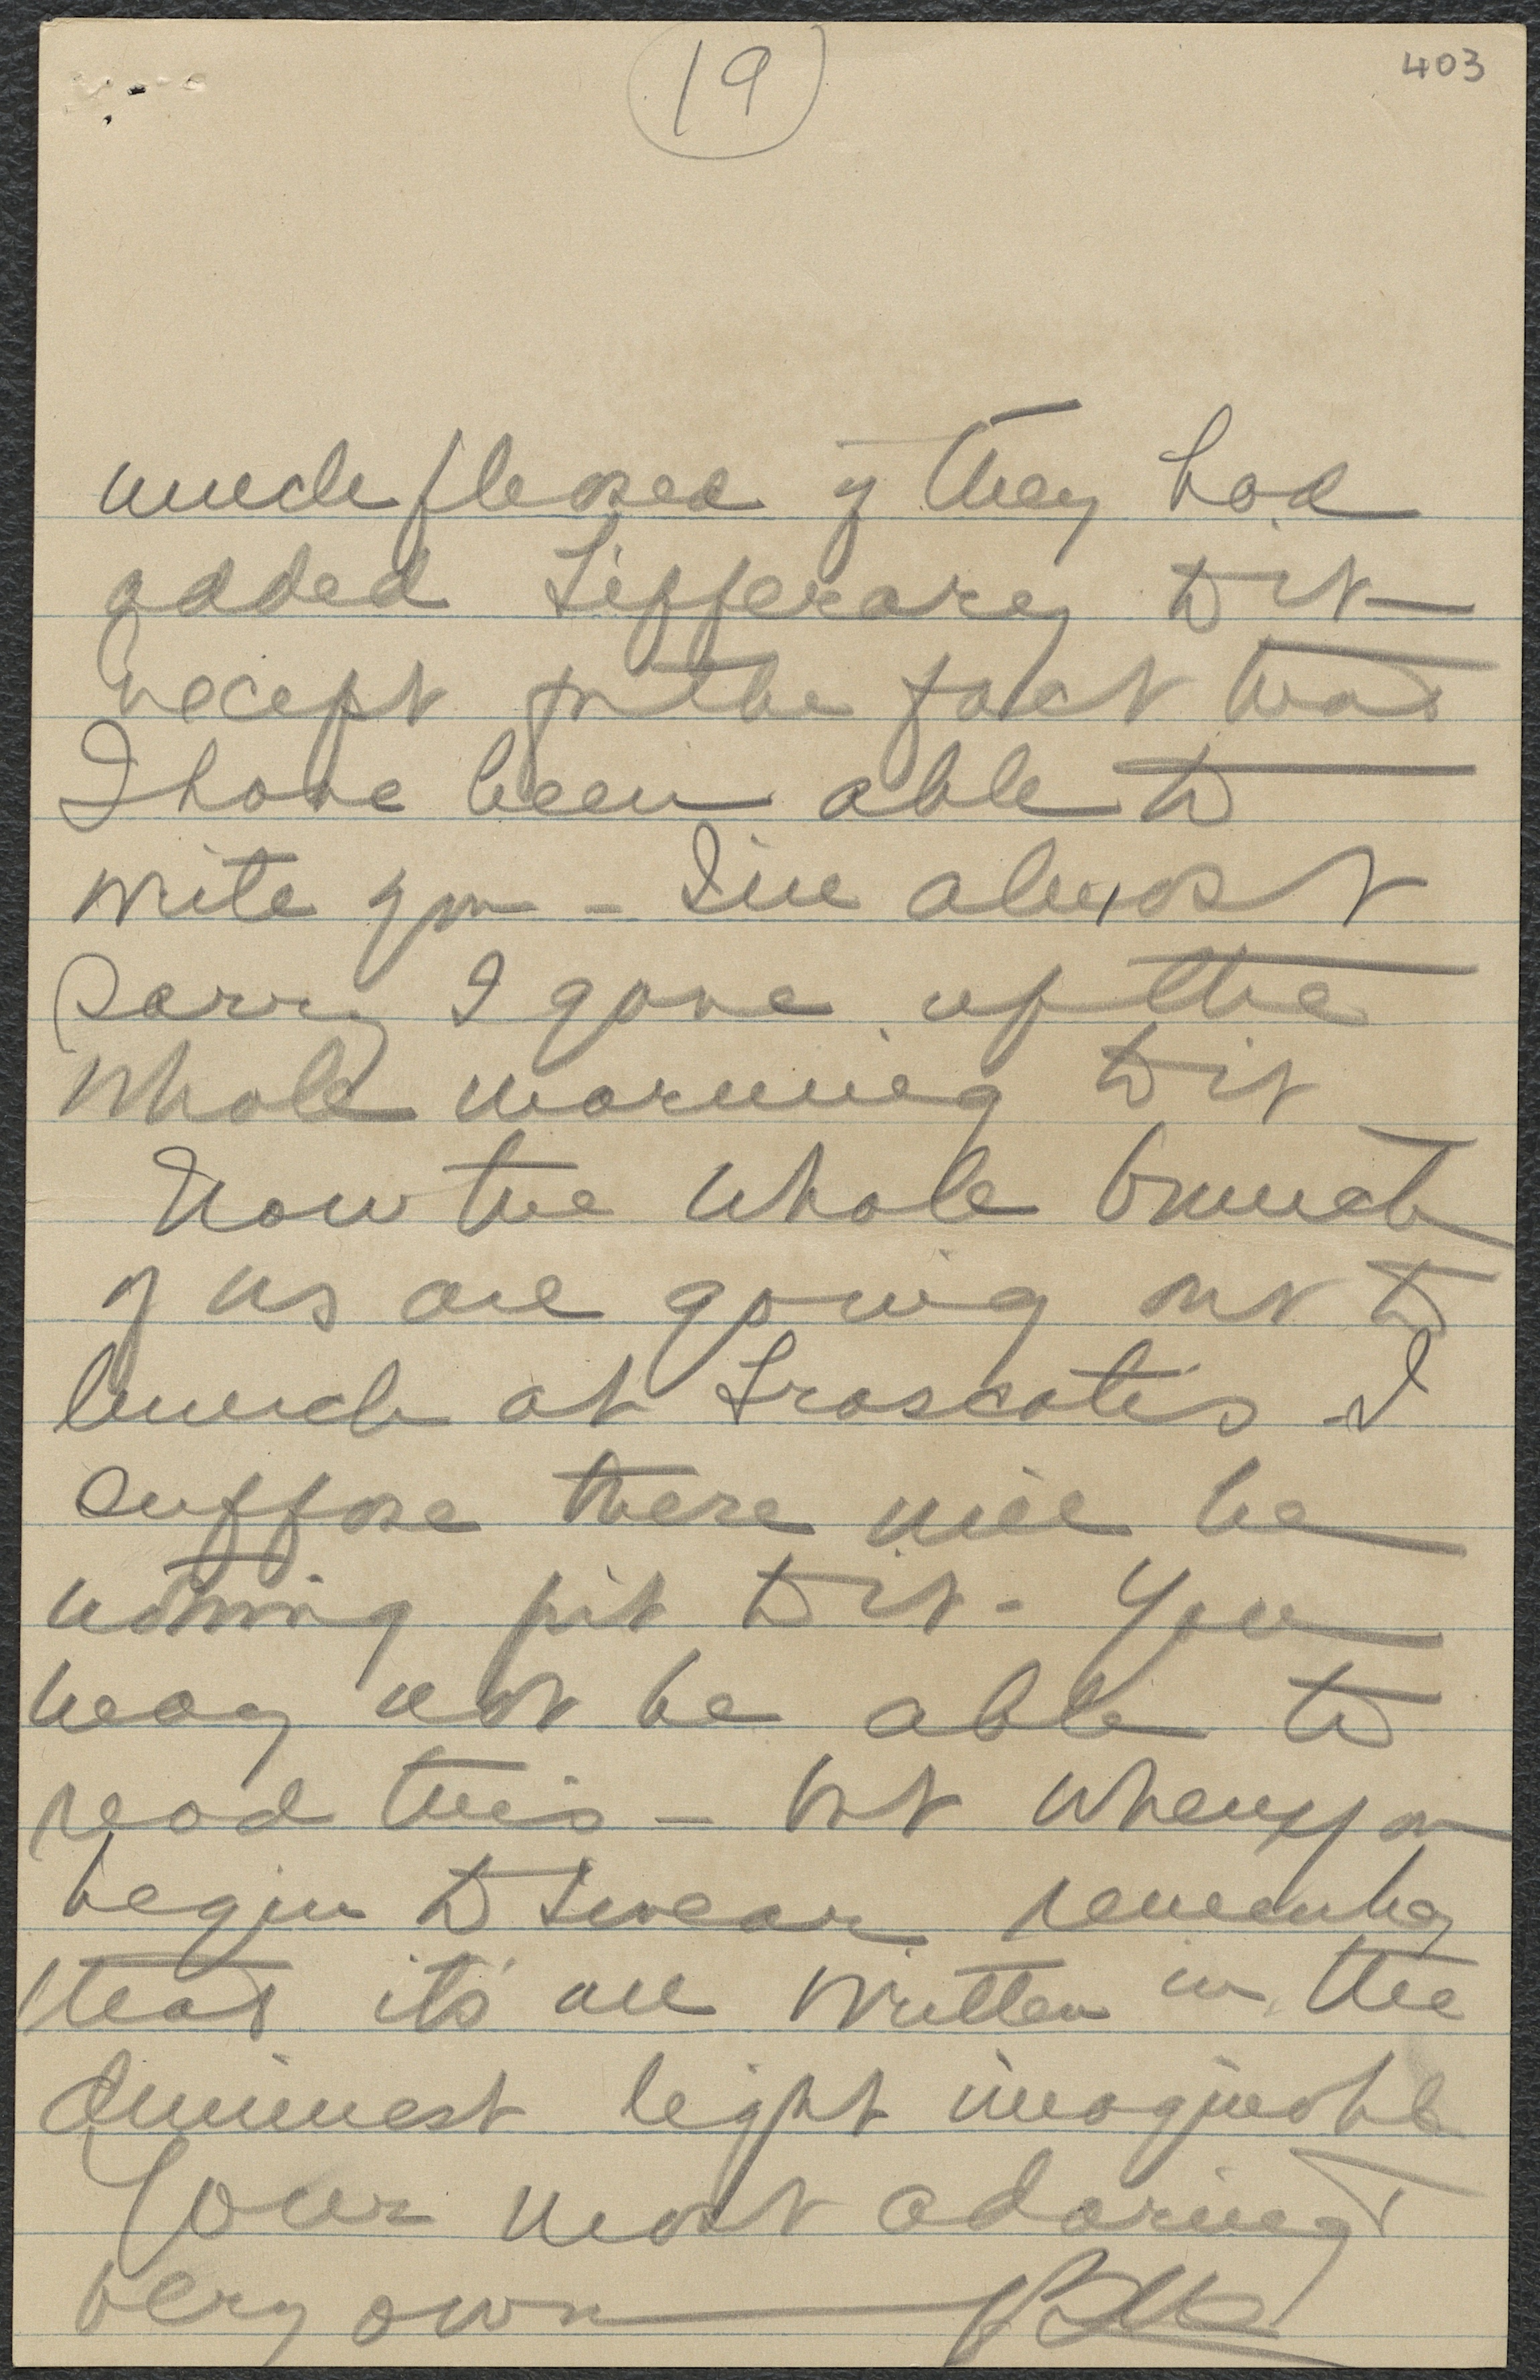much pleased if they had added Tipperary to it – except for the fact that I have been able to write you – I’m almost sorry I gave up the whole morning to it
Now the whole bunch of us are going out to lunch at Frascati’s. I suppose there will be nothing fit to it – you may not be able to read this – but when you begin to swear remember that it’s all written in the dimmest light imaginable
Your most adoring & very own
Belle